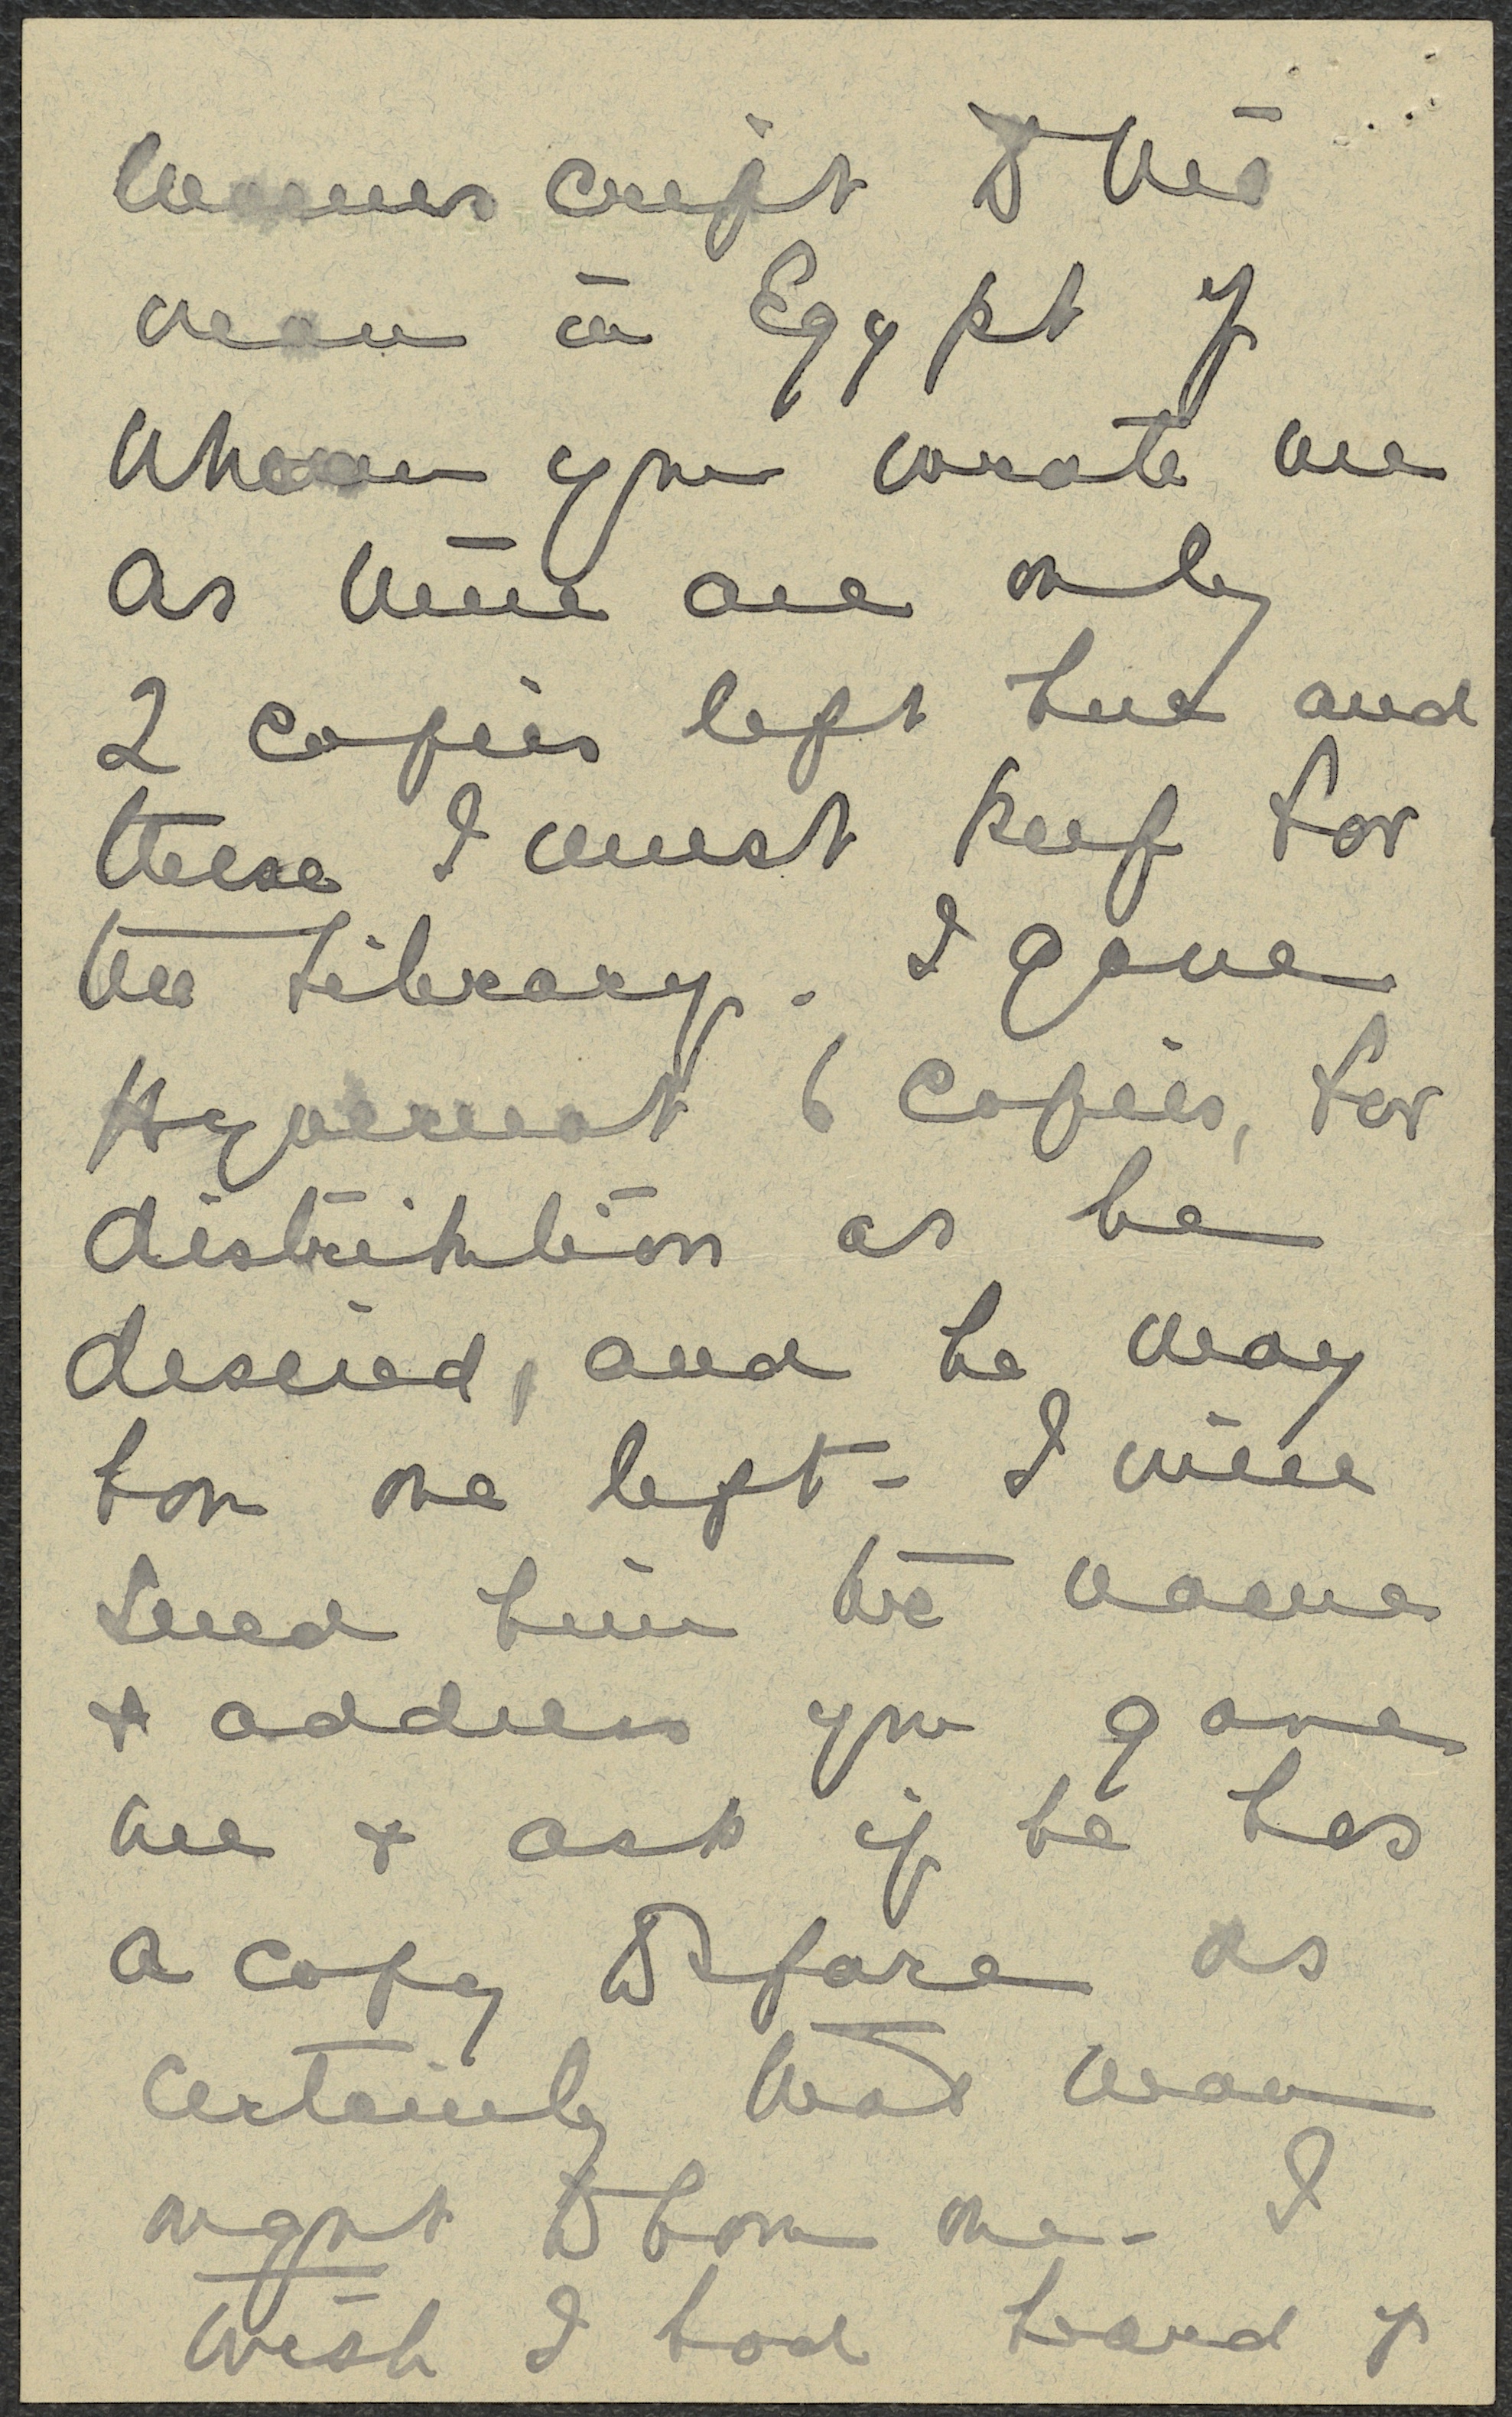manuscript to the man in Egypt of whom you wrote me as there are only 2 copies left here and these I must keep for the Library. I gave Hyvernat 6 copies, for distribution as he desired, and he may have one left – I will send him the name & address you gave me & ask if he has a copy to spare as certainly that man [double underlined: ought] to have one. I wish I had heard of